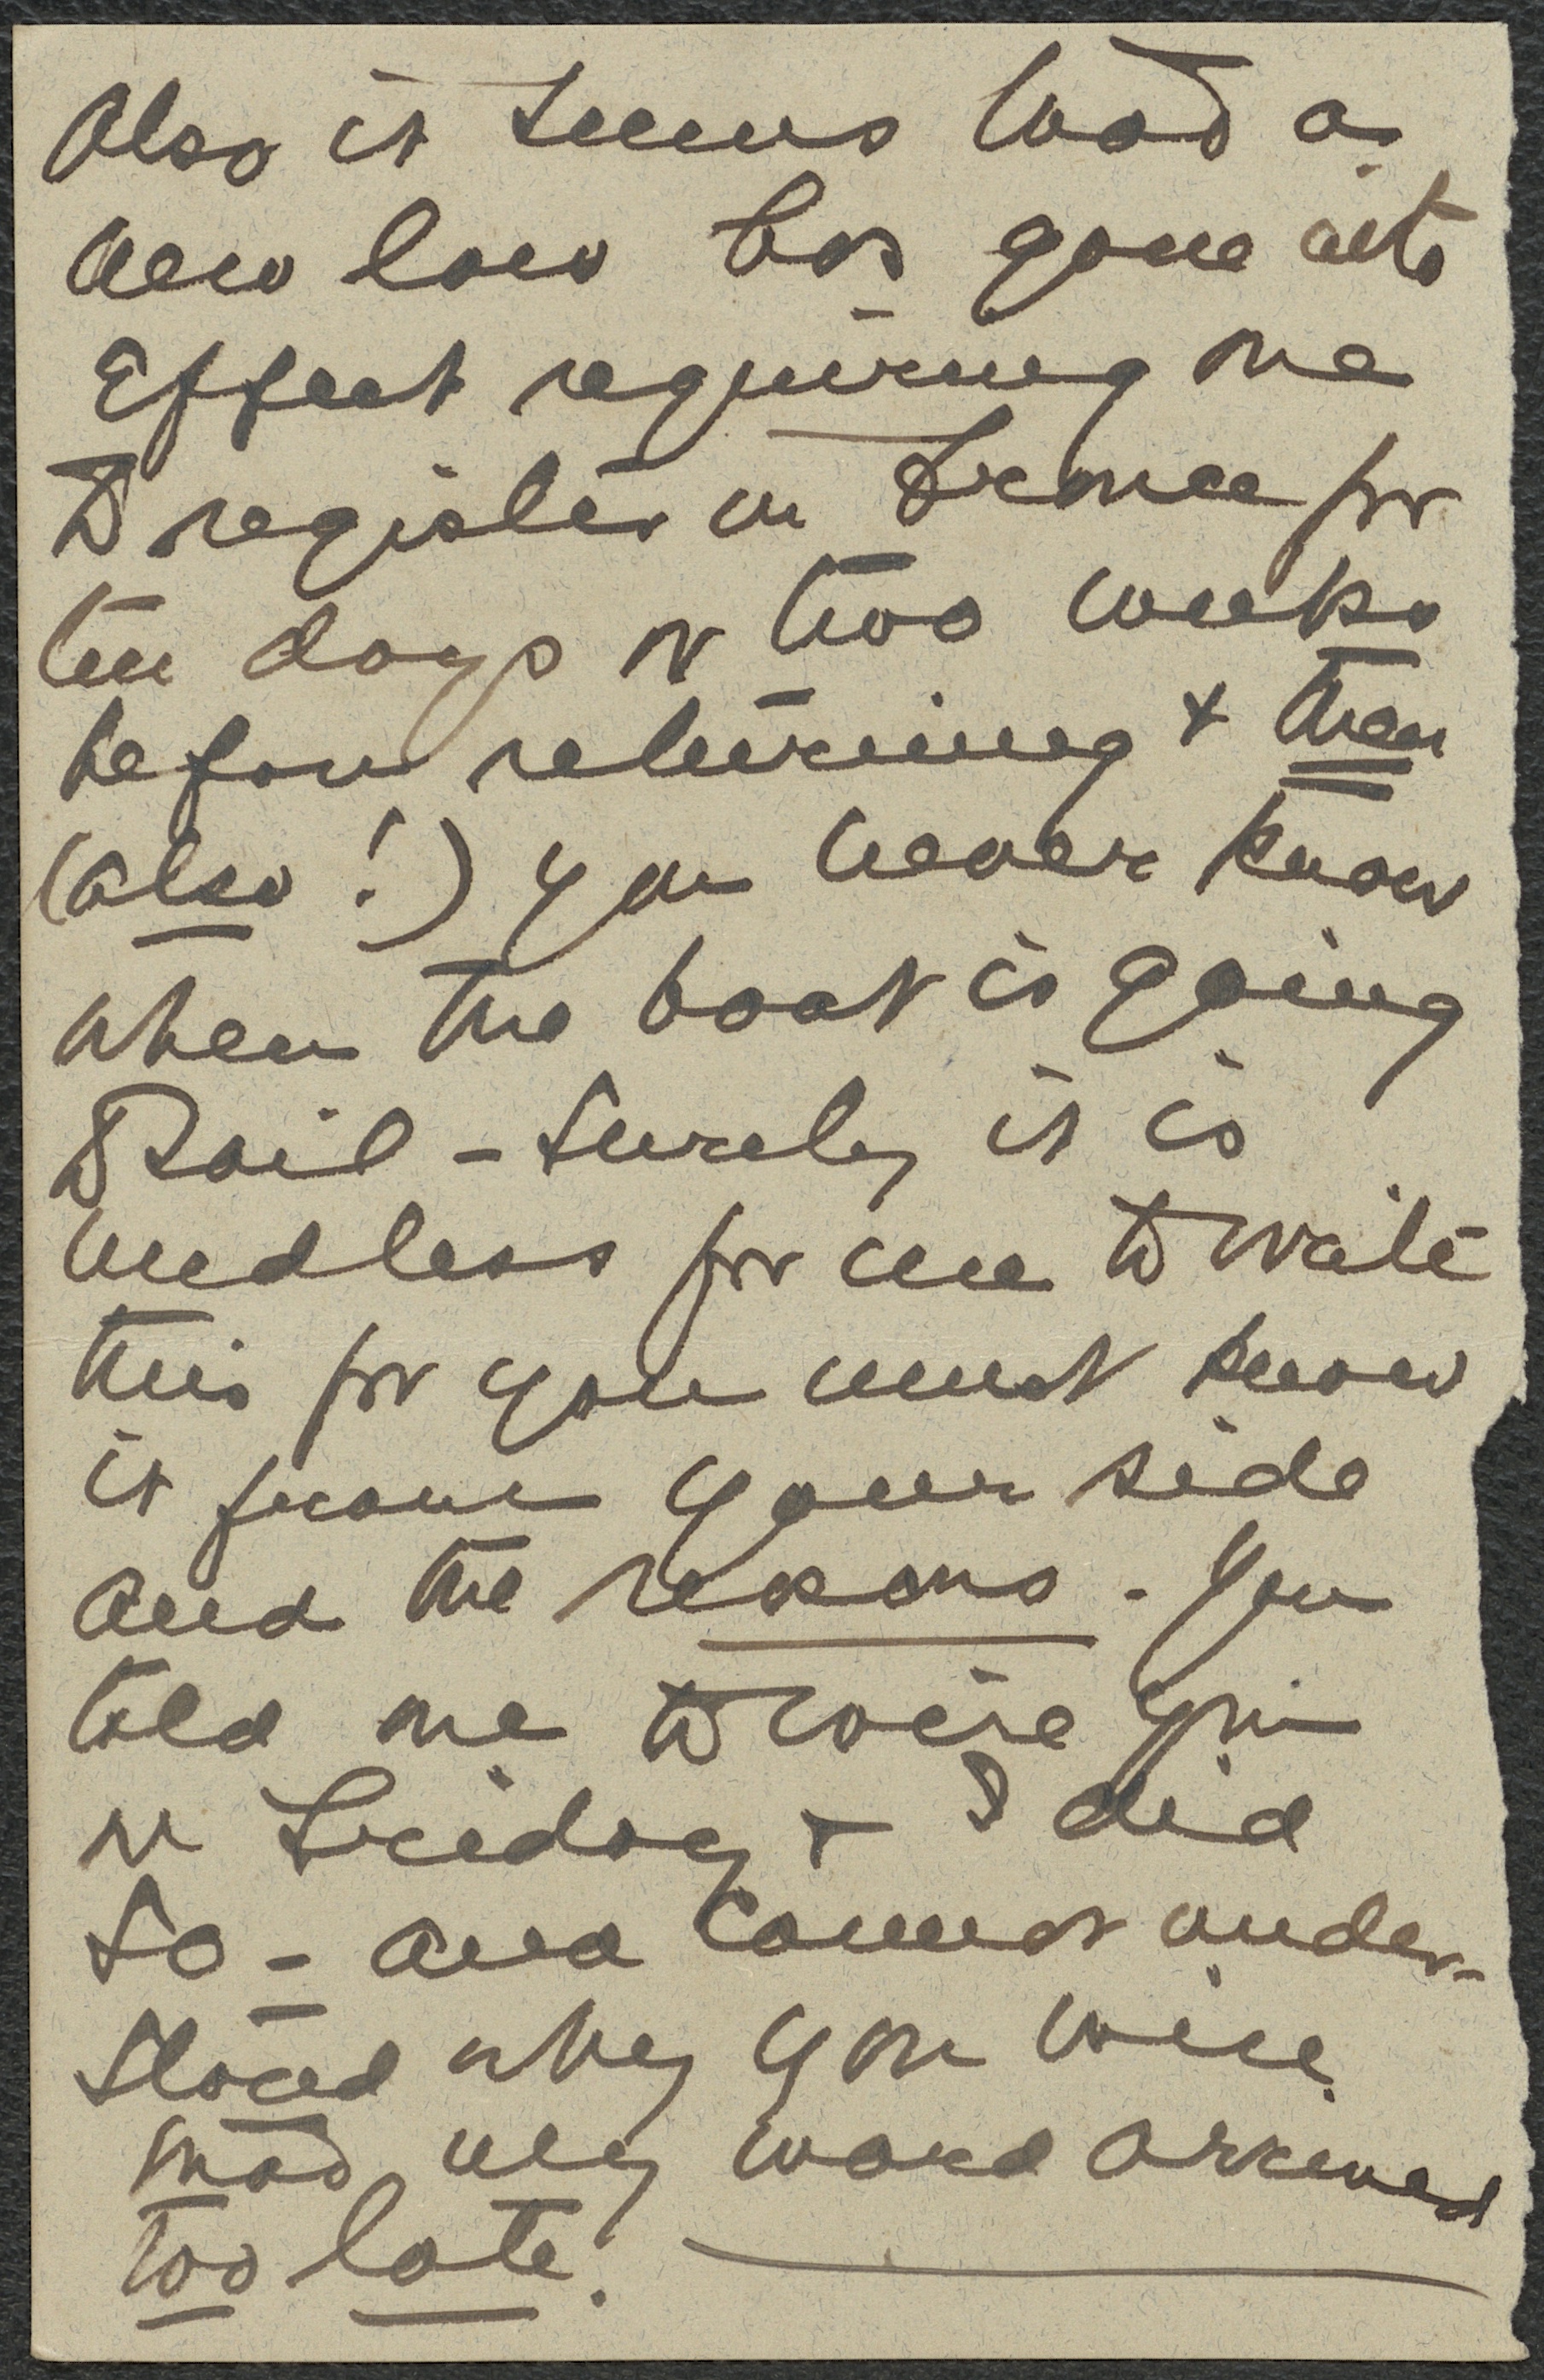Also it seems that a new law has gone into effect requiring one to register in France for ten days or two weeks before returning & [double underlined: then] (also!) you never know when the boat is going to sail – surely it is needless for me to write this for you must know it from your side and the reasons. You told me to wire you on Friday & I did so – and cannot understand why you wire that my word arrived too late. –